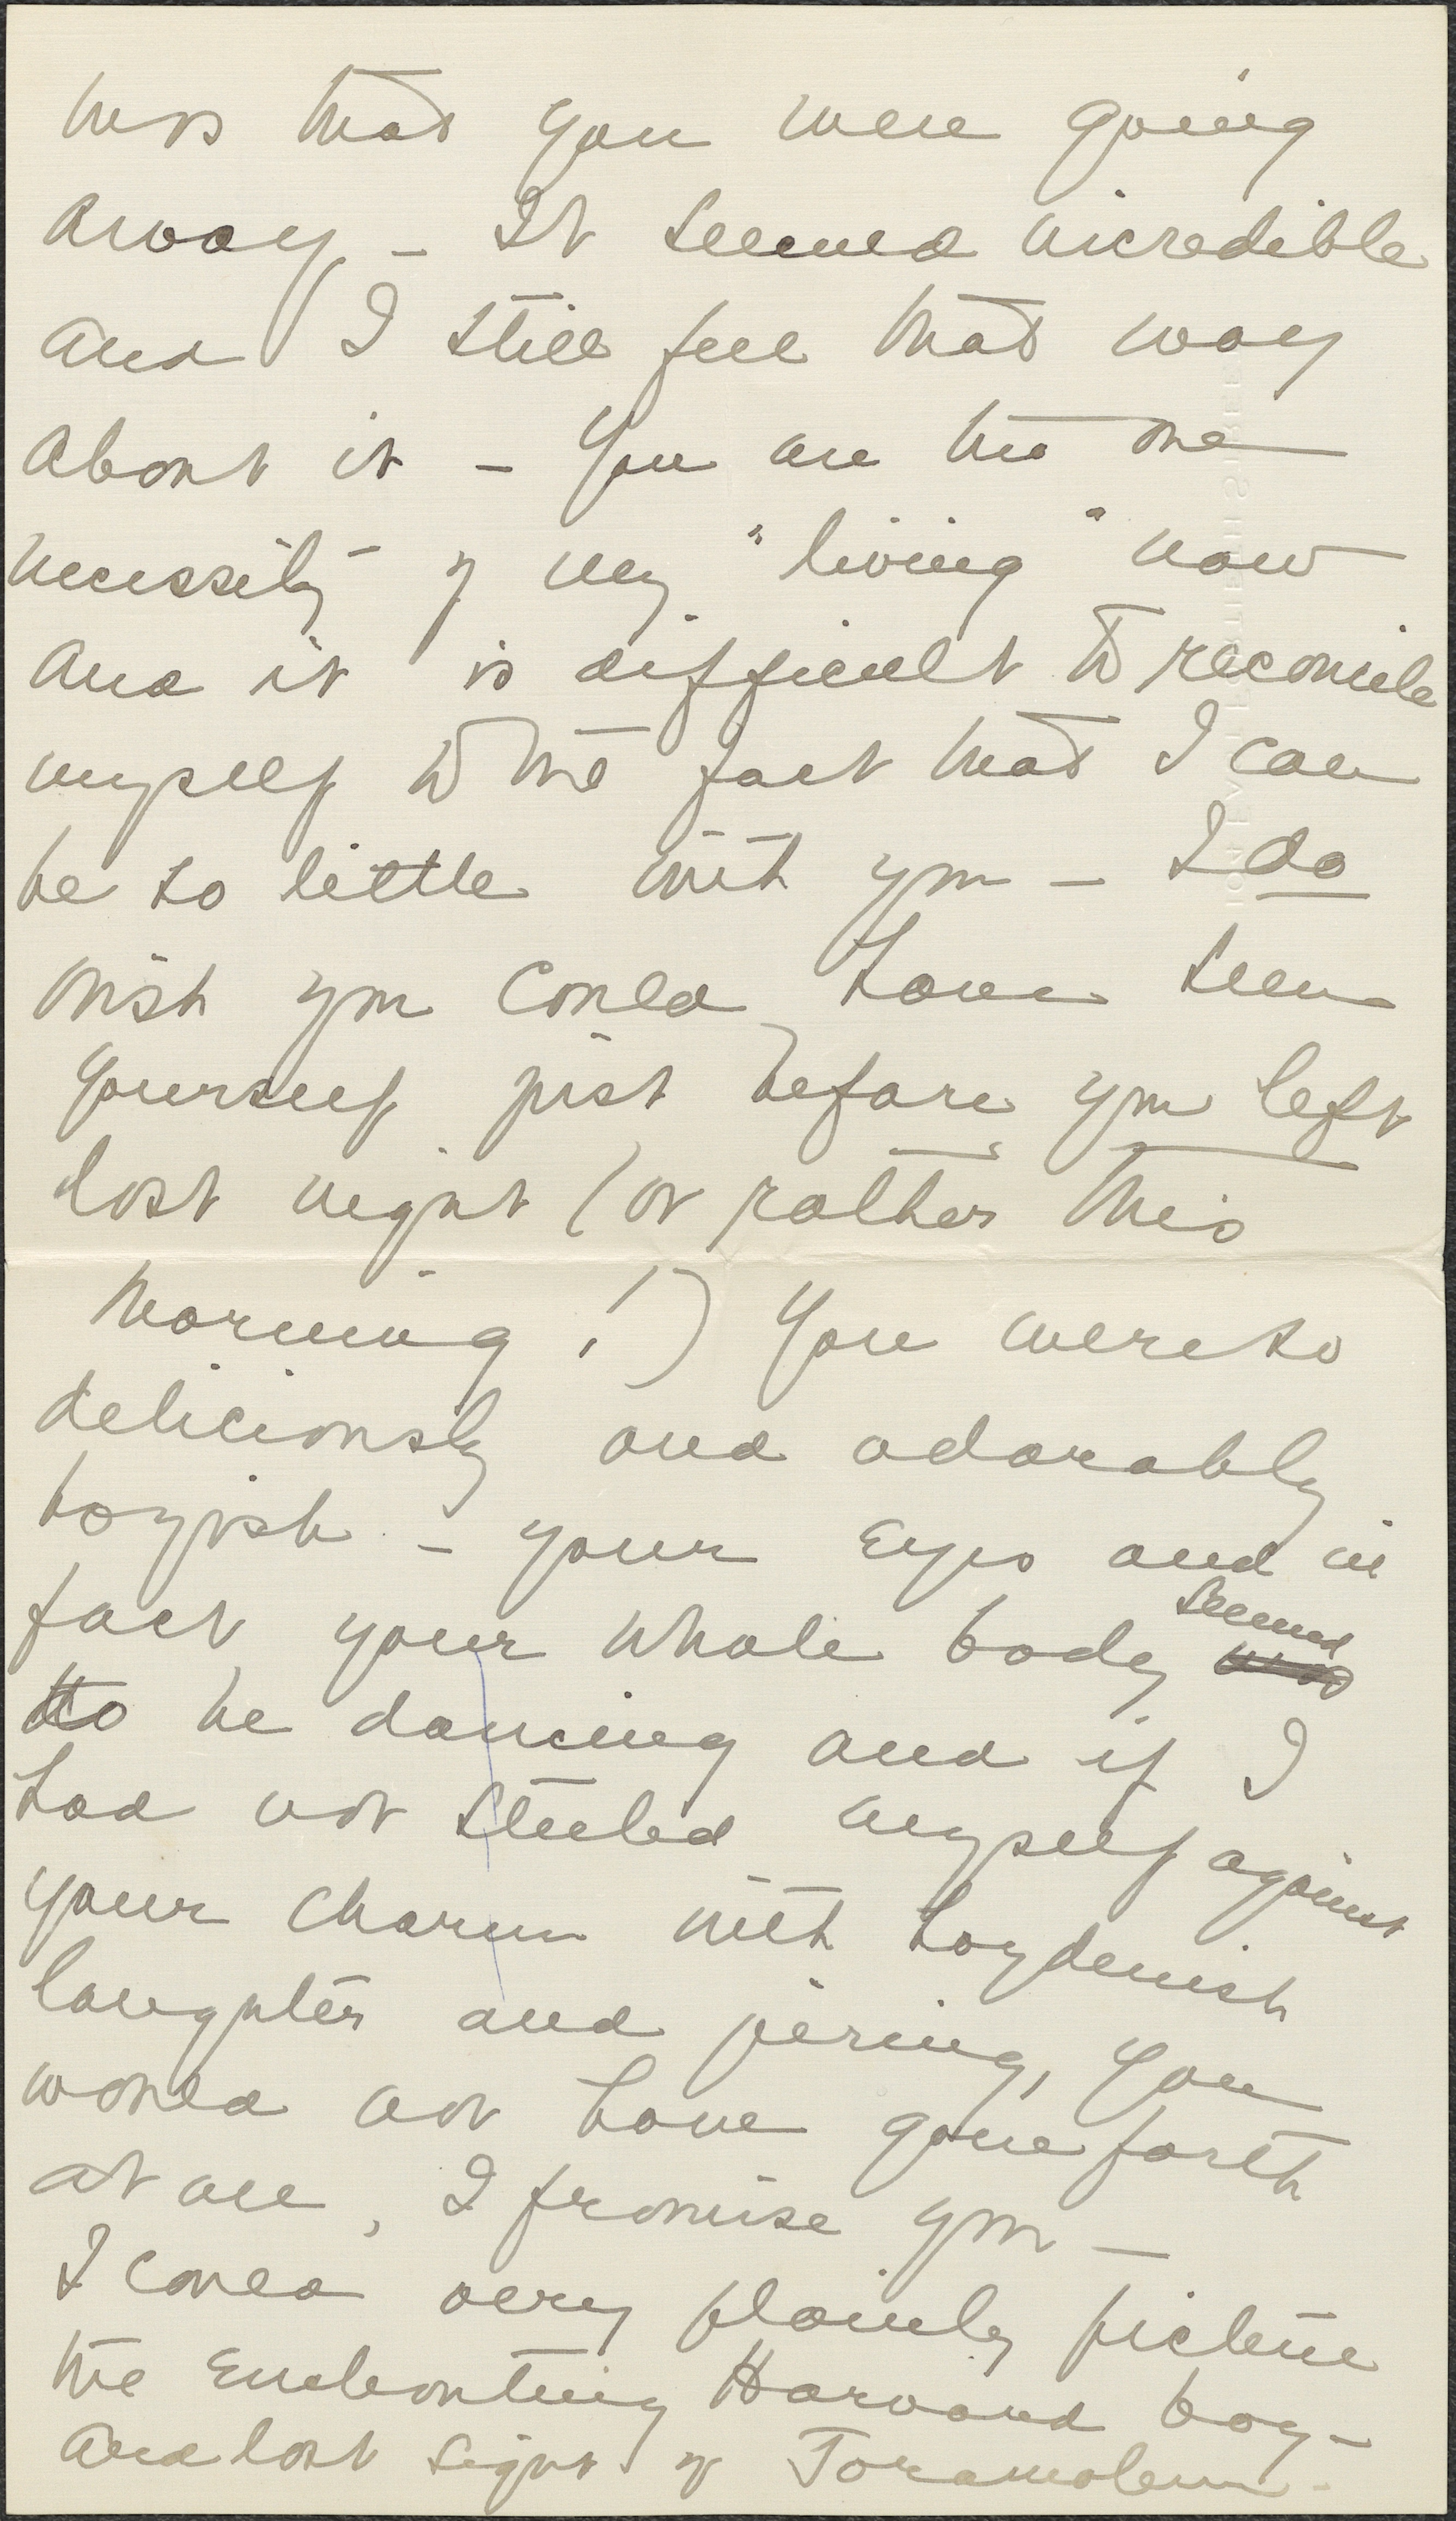was that you were going away – it seemed incredible and I still feel that way about it – you are the one necessity of my “living” now and it is difficult to reconcile myself to the fact that I can be so little with you – I do wish you could have seen yourself just before you left last night (or rather this morning!) you were so deliciously and adorable boyish – your eyes and in fact your whole body was [^seemed^] to be dancing and if I had not steeled myself against your charm with hoydenish laughter and jeering, you would not have gone forth at all, I promise you –
I could very plainly picture the enchanting Harvard boy – and lost sight of Joramolem [?]